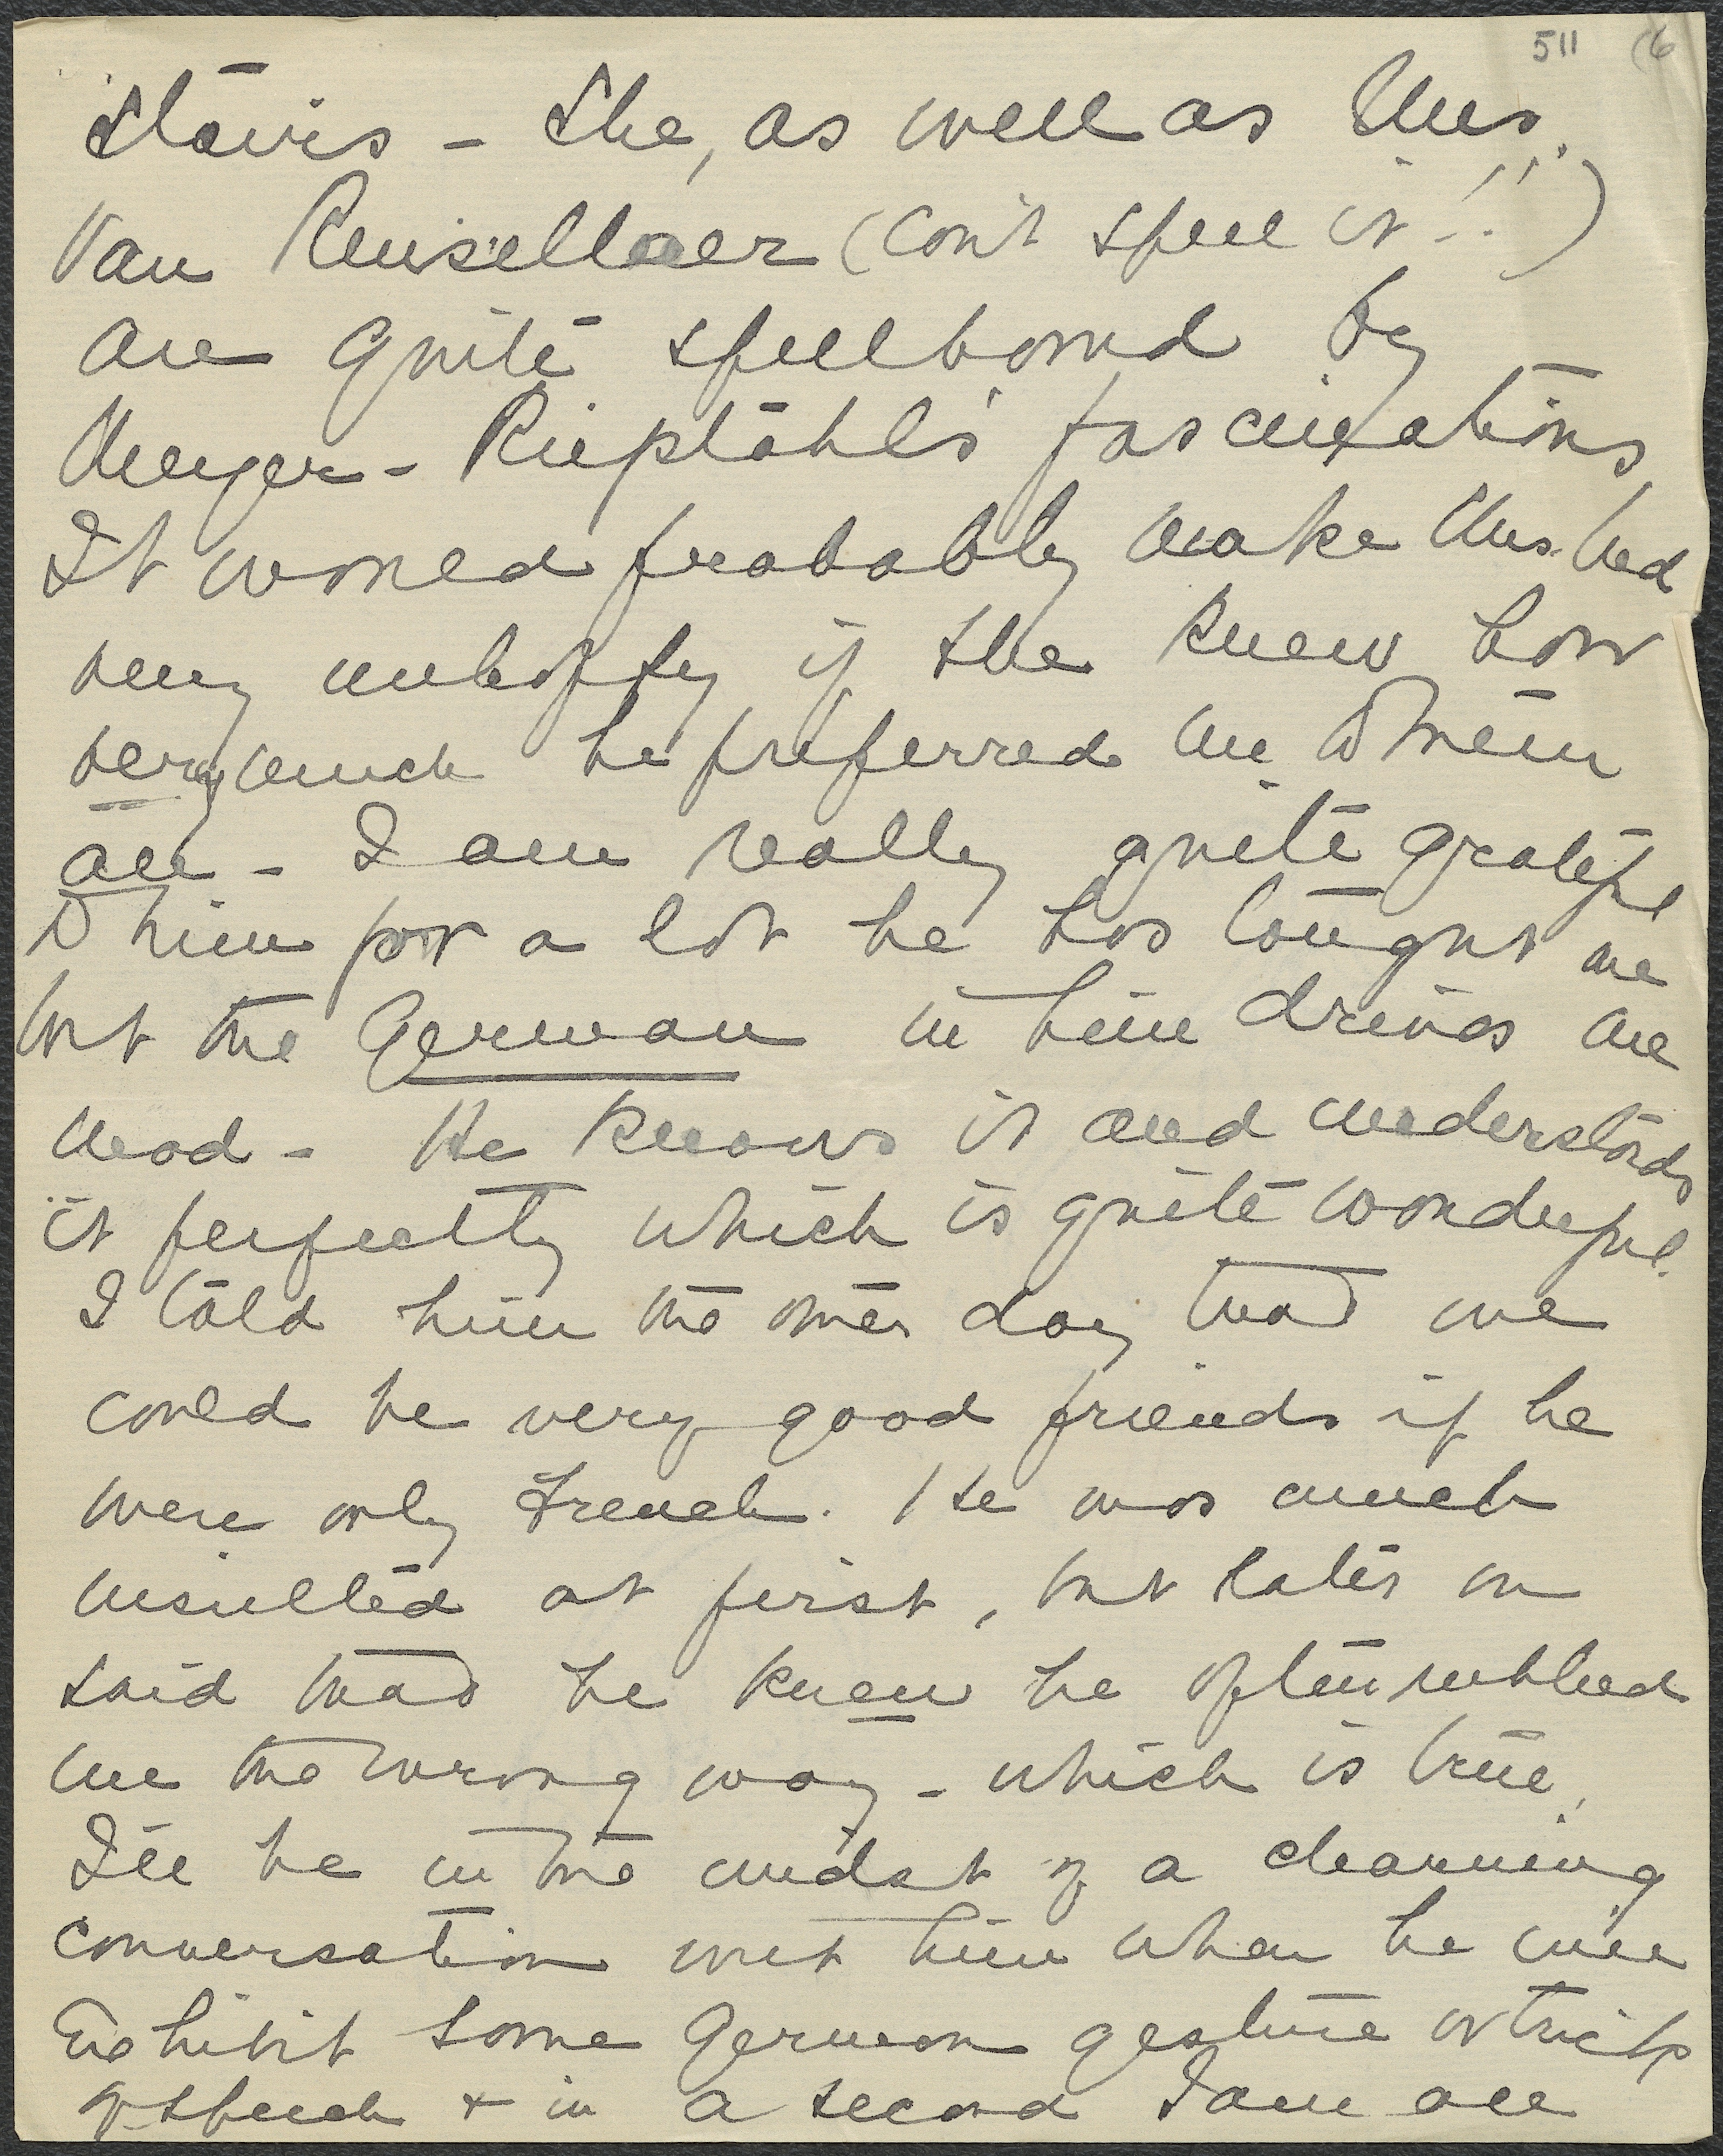stairs – she, as well as Mrs. Van Rensellaer (can't spell it!!) are quite spellbound by Meyer–Riefstahl's fascinations It would probably make Mrs. Ned very unhappy if she knew how very much he preferred me to them all – I am really quite grateful to him for a lot he has taught me but the German in him drives me mad – He knows it and understands it perfectly which is quite wonderful. I told him the other day that we could be very good friends if he were only French. He was much insulted at first, but later on said that he knew he often rubbed me the wrong way – which is true. I'll be in the midst of a charming conversation with him when he will exhibit some German gesture or trick of speech & in a second I am all